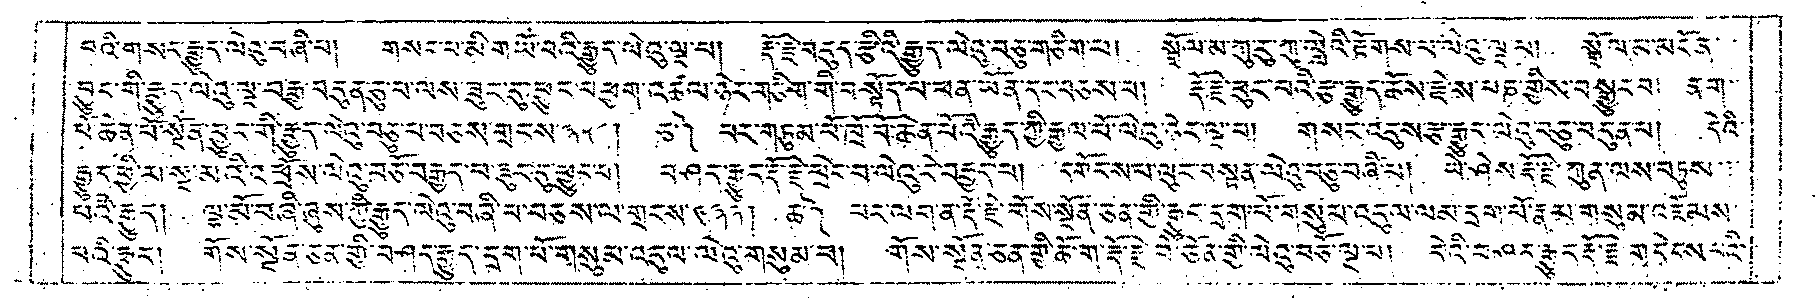བའི་གསང་རྒྱུད་ལེའུ་བཞི་པ། གསང་བ་མི་གཡོ་བའི་རྒྱུད་ལེའུ་ལྔ་པ། རྡོ་རྗེ་བདུད་རྩིའི་རྒྱུད་ལེའུ་བཅུ་གཅིག་པ། སྒྲོལ་མ་ཀུ་རུ་ཀུ་ལླེའི་རྟོགས་པ་ལེའུ་ལྔ་པ། སྒྲོལ་མ་མངོན་
བྱུང་གི་རྒྱུད་ལེའུ་ལྔ་བརྒྱ་བདུན་ཅུ་པ་ལས་ཟུར་དུ་ཕྱུང་བ་ཕྱག་འཚལ་ཉེར་གཅིག་གི་བསྟོད་པ་ཕན་ཡོན་དང་བཅས་པ། རྡོ་རྗེ་ཕུར་པའི་རྩ་རྒྱུད་ཆོས་རྗེ་ས་པཎ་གྱིས་བསྒྱུར་བ། ནག་
པོ་ཆེན་པོ་སྔོན་བྱུང་གི་རྒྱུད་ལེའུ་བཅུ་པ་བཅས་གྲངས ༣༥༡། ཅ྄་པར་གཏུམ་པོ་ཁྲོ་བོ་ཆེན་པོའི་རྒྱུད་ཀྱི་རྒྱལ་པོ་ལེའུ་ཉེར་ལྔ་པ། གསང་འདུས་རྩ་རྒྱུད་ལེའུ་བཅུ་བདུན་པ། དེའི་
རྒྱུད་ཕྱི་མ་སྔ་མའི་འཕྲོས་ལེའུ་བཅོ་བརྒྱད་པ་ཟུར་དུ་ཕྱུང་བ། བཤད་རྒྱུད་རྡོ་རྗེ་ཕྲེང་བ་ལེའུ་རེ་བརྒྱད་པ། དགོངས་པ་ལུང་བསྟན་ལེའུ་བཅུ་བཞི་པ། ཡེ་ཤེས་རྡོ་རྗེ་ཀུན་ལས་བཏུས་
པའི་རྒྱུད། ལྷ་མོ་བཞི་ཞུས་ཀྱི་རྒྱུད་ལེའུ་བཞི་པ་བཅས་ལ་གྲངས ༤༣༢། ཆ྄་པར་ལག་ན་རྡོ་རྗེ་གོས་སྔོན་ཅན་གྱི་རྒྱུད་དྲག་པོ་གསུམ་འདུལ་ལམ་དྲག་པོ་རྣམ་གསུམ་འཇོམས་
པའི་རྒྱུད། གོས་སྔོན་ཅན་གྱི་བཤད་རྒྱུད་དྲག་པོ་གསུམ་འདུལ་ལེའུ་གསུམ་པ། གོས་སྔོན་ཅན་གྱི་ཆོ་ག་རྡོ་རྗེ་བེ་ཅོན་གྱི་ལེའུ་བཅོ་ལྔ་པ། དེའི་བཤད་རྒྱུད་རྡོ་རྗེ་གདེངས་པའི་